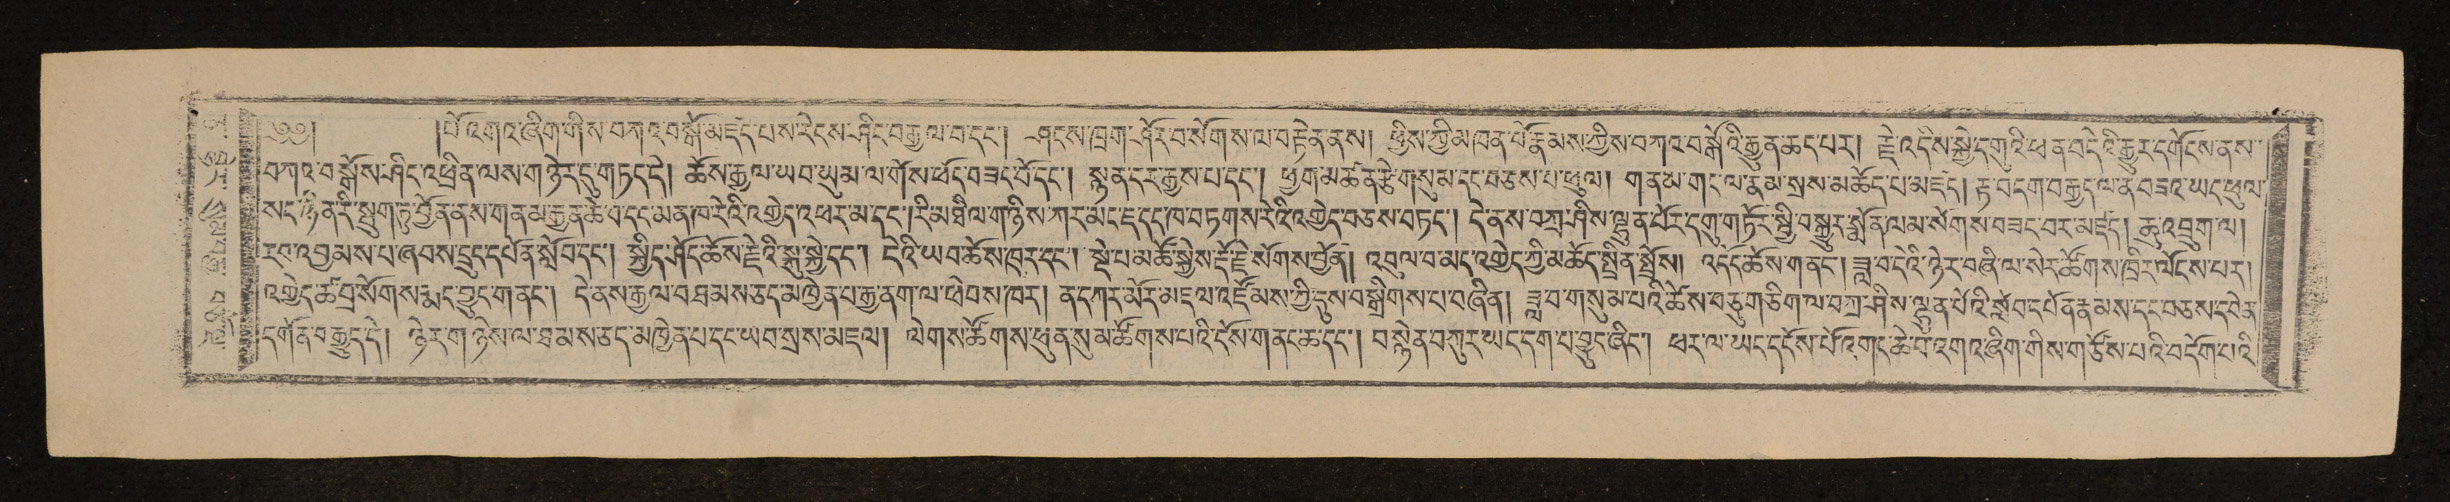༄༅། །པོ་འགའ་ཞིག་གིས་བཀའ་བསྒོ་མཛད་པས་རེངས་ཤིང་བརྒྱལ་བ་དང་། ཤངས་ཁྲག་ཤེར་བ་སོགས་ལ་བརྟེན་ནས། ཕྱིས་ཀྱི་མཁན་པོ་རྣམས་ཀྱིས་བཀའ་བསྒོའི་རྒྱུན་ཆད་པར། རྗེ་འདིས་སྐྱེ་དགུའི་ཕན་བདེའི་རྒྱུར་དགོངས་ནས་
བཀའ་བསྒོས་ཤིང་འཕྲིན་ལས་གཉེར་དུ་གཏང་དེ། ཆོས་རྒྱལ་ཡབ་ཡུམ་ལ་གོས་ཕོད་བཟང་པོ་དང་། སྙན་དར་རྒྱས་པ་དང་། ཕྱག་མཚན་རྩེ་གསུམ་དང་བཅས་པ་ཕུལ། གནམ་གང་ལ་རྣམ་སྲས་མཆོད་པ་མཛད། རྟ་བདག་བརྒྱད་ལ་ན་བཟའ་ཡང་ཕུལ་
སང་ཉིན་རི་སྦུག་ཏུ་བྱོན་ནས་གནམ་རྒྱན་ཆེ་བ་དང་མན་ཁ་རེའི་འགྱེད་འཕར་མ་དང་། རི་མཐིལ་གཉིས་ཀར་མང་ཇ་དང་ཁ་བཏགས་རེའི་འགྱེད་བཅས་བཏང་། དེ་ནས་བཀྲ་ཤིས་ལྷུན་པོར་དགུ་གཏོར་སྤྱི་བསྒྱུར་སྨོན་ལམ་སོགས་བཟང་བར་མཛད། ཆུ་འབྲུག་ལ།
རབ་འབྱམས་པ་ཞབས་དྲུང་དཔོན་སློབ་དང་། སྐྱིད་ཤོད་ཆོས་རྗེའི་སྐུ་སྐྱེ་དང་། དེའི་ཡབ་ཆོས་ཁུར་དང་། སྡེ་པ་མཚོ་སྐྱེས་རྡོ་རྗེ་སོགས་བྱོན། འབུལ་བ་མང་འགྱེད་ཀྱི་མཆོད་སྤྲིན་སྤྲོས། འདོད་ཆོས་གནང་། ཟླ་བ་དེའི་ཉེར་བཞི་ལ་སེར་ཚོགས་ཁྲིར་ལོངས་པར།
འགྱེད་ཚ་བྲ་སོགས་རྨད་བྱུང་གནང་། དེ་ནས་རྒྱལ་བ་ཐམས་ཅད་མཁྱེན་པ་རྒྱ་ནག་ལ་ཕེབས་ཁར། ན་དཀར་མོར་མཇལ་འཛོམས་ཀྱི་དུས་བསྒྲིགས་པ་བཞིན། ཟླ་བ་གསུམ་པའི་ཚེས་བཅུ་གཅིག་ལ་བཀྲ་ཤིས་ལྷུན་པོའི་སློབ་དཔོན་རྣམས་དང་བཅས་དབེན་
དགོན་བརྒྱུད་དེ། ཉེར་གཉིས་ལ་ཐམས་ཅད་མཁྱེན་པ་དང་ཡབ་སྲས་མཇལ། ལེགས་ཚོགས་ཕུན་སུམ་ཚོགས་པའི་ངོས་གནང་ཆ་དང་། བསྙེན་བཀུར་ཡང་དག་པ་བྱུང་ཞིང་། ཕར་ལ་ཡང་དངོས་པོ་འགང་ཆེ་བ་འགའ་ཞིག་གིས་གཙོས་པའི་བདོག་པའི་